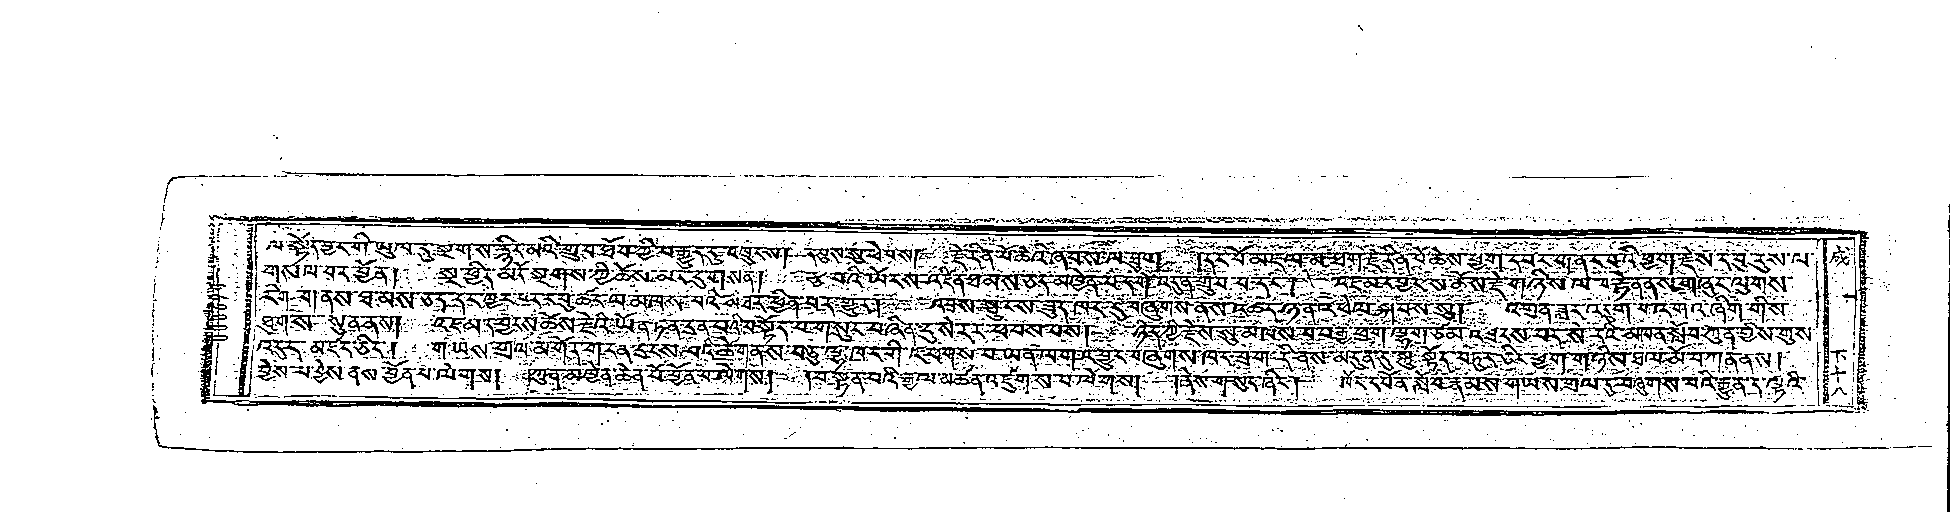ལ་སྟོད་བྱང་གི་ཡུལ་དུ་སྔགས་རྙིང་མའི་གྲུབ་ཐོབ་ཀྱི་བརྒྱུད་དུ་འཁྲུངས། དབུས་སུ་ཕེབས། རྗེ་རིན་པོ་ཆེའི་ཞབས་ལ་ཐུག །དང་པོ་མཇལ་མ་ཐག་རྗེ་རིན་པོ་ཆེས་ཕྱག་དབང་གནང་བའི་ཕྱག་རྗེས་དབུ་རུས་ལ་
གསལ་བར་བྱོན། སྔ་ཕྱིར་མདོ་སྔགས་ཀྱི་ཆོས་མང་དུ་གསན། རྩ་བའི་ཡོངས་འཛིན་ཐམས་ཅད་མཁྱེན་པ་དགེ་འདུན་གྲུབ་པ་དང་། འཇམ་དབྱངས་ཆོས་རྗེ་གཉིས་ལ་བརྟེན་ནས་གཞུང་ལུགས་
རིག་གནས་ཐམས་ཅད་དང་ཁྱད་པར་དབུ་ཚང་ལ་མཁས་པའི་མཐར་ཕྱིན་པར་གྱུར། འབྲས་སྤུངས་ཟུར་ཁང་དུ་བཞུགས་ནས་འཆད་ཉན་འཕེལ་སྐབས་སུ། འགྲན་ཟླར་འདུག་པ་འགའ་ཞིག་གིས་
ཐུགས་སུན་ནས། འཇམ་དབྱངས་ཆོས་རྗེའི་ཡོན་ཏན་དྲན་པའི་བསྟོད་པ་གསང་བཞིན་དུས་དེ་རར་ཕེབས་པ། ཉིད་ཡི་རྗེས་སུ་མཁས་པ་བརྒྱ་ཕྲག་ལྷག་ཙམ་འབྲངས་བད་སེ་རའི་མཁན་སློབ་ཀུན་གྱིས་གུས་
འདུད་མཛད་ཅིང་། གཡས་གྲལ་མགོར་གདན་དྲངས་པའི་ཚེ་གནས་བཅུ་ལྷ་ཁང་གི་འཕགས་པ་ཡན་ལག་འབྱུང་བཞུགས་ཁང་བྲག་རི་ནས་མདུན་དུ་སྐུ་སྟོད་བཏུང་ཅིང་ཕྱག་གཉིས་ཐལ་མོ་བཀན་ནས།
བྱེས་པ་བྱེས་ནས་བྱོན་པ་ལེགས། །ཀུན་མཁྱེན་ཆེན་པོ་བྱོན་པ་ལེགས། །བསྟན་པའི་རྒྱལ་མཚན་འཛུགས་པ་ལེགས། །ཞེས་གསུང་ཞིང་། ཁོང་དཔོན་སློབ་རྣམས་གཡས་གྲལ་དུ་བཞུགས་པའི་རྒྱུན་ད་ལྟའི་